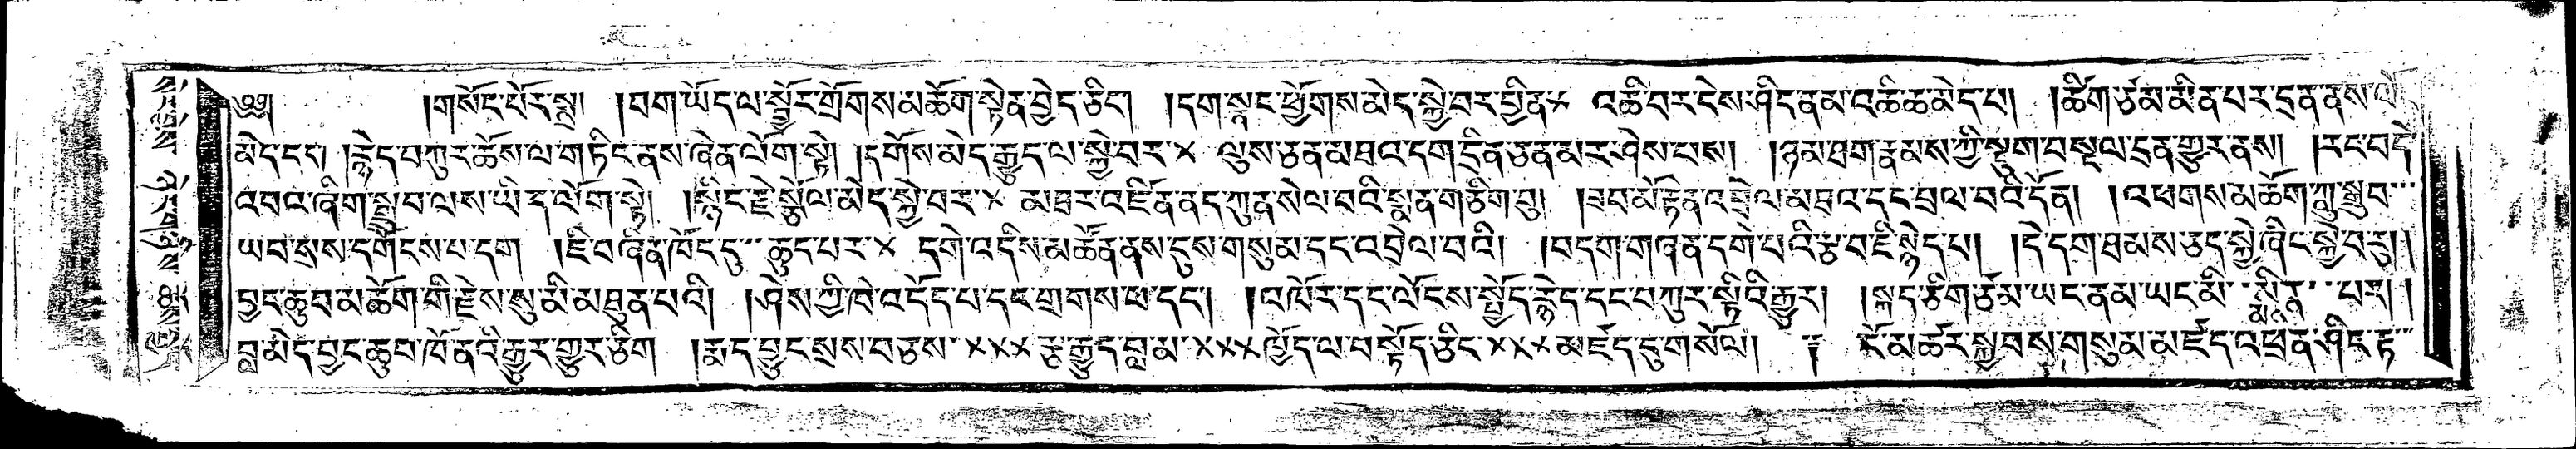༄༅། །གསོང་པོར་སྨྲ། །བག་ཡོད་ལ་སྦྱོར་གྲོགས་མཆོག་སྟེན་བྱེད་ཅིང་། །དག་སྣང་ཕྱོགས་མེད་སྐྱེ་བར་བྱིན་{྾}་འཆི་བར་ངེས་ཤིང་ནམ་འཆི་ཆ་མེད་པ། །ཚིག་ཙམ་མིན་པར་དྲན་ནས་ལོང་
མེད་དང་། །རྙེད་བཀུར་ཆོས་ལ་གཏིང་ནས་ཞེན་ལོག་སྟེ། །དགོས་མེད་རྒྱུད་ལ་སྐྱེ་བར་{྾}་ལུས་ཅན་མཐའ་དག་དྲིན་ཅན་མར་ཤེས་པས། །ཉམ་ཐག་རྣམས་ཀྱི་སྡུག་བསྔལ་དྲན་གྱུར་ནས། །རང་བདེ་
འབའ་ཞིག་སྒྲུབ་ལས་ཡིད་ལོག་སྟེ། །སྙིང་རྗེ་སྩོལ་མེད་སྐྱེ་བར་{྾}་མཐར་འཛིན་ནད་ཀུན་སེལ་བའི་སྨན་གཅིག་བུ། །ཟབ་མོ་རྟེན་འབྲེལ་མཐའ་དང་བྲལ་བའི་དོན། །འཕགས་མཆོག་ཀླུ་སྒྲུབ་
ཡབ་སྲས་དགོངས་པ་དག །ཇི་བཞིན་ཁོང་དུ་ཆུད་པར་{྾}་དགེ་འདིས་མཚོན་ནས་དུས་གསུམ་དང་འབྲེལ་བའི། །བདག་གཞན་དགེ་བའི་རྩ་བ་ཇི་སྙེད་པ། །དེ་དག་ཐམས་ཅད་སྐྱེ་ཞིང་སྐྱེ་བ་རུ། །
བྱང་ཆུབ་མཆོག་གི་རྗེས་སུ་མི་མཐུན་པའི། །ཤེས་ཀྱི་ཁེ་འདོད་པ་དང་གྲགས་པ་དང་། །འཁོར་དང་ལོངས་སྤྱོད་རྙེད་དང་བཀུར་སྟིའི་རྒྱུར། །སྐད་ཅིག་ཙམ་ཡང་ནམ་ཡང་མི་མིན་པར། །
བླ་མེད་བྱང་ཆུབ་ཁོ་ནའི་རྒྱུར་གྱུར་ཅིག །རྨད་བྱུང་སྲས་བཅས་{྾}་{྾}་{྾}་རྩ་རྒྱུད་བླ་མ་{྾}་{྾}་{྾}་ཁྱོད་ལ་བསྟོད་ཅིང་{྾}་{྾}་{྾}་མཛད་དུ་གསོལ། ༈ ངོ་མཚར་སྐྱབས་གསུམ་མཛད་འཕྲིན་ཤིང་རྟ་